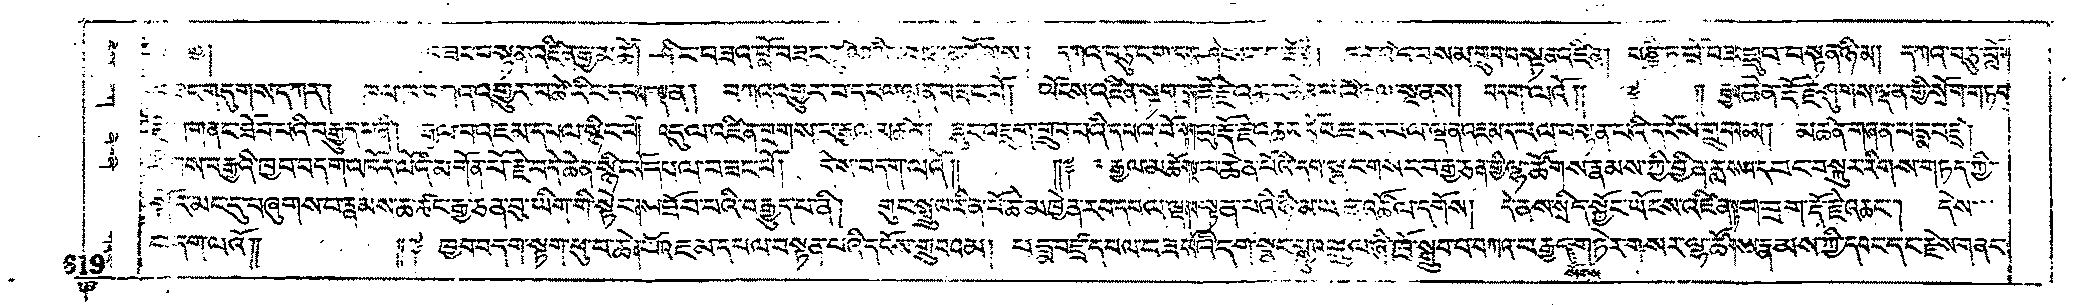༄༅། །བཟང་བསྟན་འཛིན་རྒྱ་མཚོ། ཤིང་བཟའ་བློ་བཟང་ཚུལ་ཁྲིམས་ཕུན་ཚོགས། དཀའ་བཅུ་ངག་དབང་ཤེས་རབ་རྡོ་རྗེ། དུར་བེད་བསམ་གྲུབ་བསྟན་འཛིན། པཎྜི་ཏ་བློ་བཟང་ཐུབ་བསྟན་ཉི་མ། དཀའ་བཅུ་བློ་
བཟང་གདུགས་དཀར། ཁལ་ཁ་བཀའ་འགྱུར་བ་ཚེ་རིང་དཔལ་ལྡན། བཀའ་འགྱུར་བ་དཔལ་ལྡན་བཟང་པོ། ཡོངས་འཛིན་སྟག་བག་རྡོ་རྗེ་འཆང་ཆེན་པོའི་ཞལ་སྔ་ནས། བདག་ལའོ།། འ།།རྒྱལ་ཆེན་རྡོ་རྗེ་ཤུགས་ལྡན་གྱི་སྲོག་གཏང་
རྗེས་གནང་ཐོབ་པའི་བརྒྱུད་པ་ནི། རྒྱལ་བ་འཇམ་དཔལ་སྙིང་པོ། འདུལ་འཛིན་གྲགས་པ་རྒྱལ་མཚན། ཟུང་འཇུག་གྲུབ་པའི་དཔའ་བོ་སྟག་ཕུ་རྡོ་རྗེ་འཆང་བློ་བཟང་དཔལ་ལྡན་འཇམ་དཔལ་བསྟན་པའི་དངོས་གྲུབ་བམ། མཚན་གཞན་པདམ་བཛྲ།
རིགས་བརྒྱའི་ཁྱབ་བདག་འཁོར་ལོའི་མགོན་པོ་རྗེ་བདེ་ཆེན་སྙིང་པོ་དཔལ་བཟང་པོ། དེས་བདག་ལའོ།། །།འ༧་རྒྱལ་མཆོག་ལྔ་པ་ཆེན་པོའི་དག་སྣང་གསང་བ་རྒྱ་ཅན་གྱི་ལྷ་ཚོགས་རྣམས་ཀྱི་བྱིན་རླབས་དབང་བསྐུར་རིགས་གཏད་ཀྱི་
སྐོར་མང་དུ་བཞུགས་པ་རྣམས་ཆ་ཚང་རྒྱ་ཅན་བུ་ཡིག་གི་སྟེང་ནས་ཐོབ་པའི་བརྒྱུད་པ་ནི། གུང་སྤྲུལ་རིན་པོ་ཆེ་མཁྱེན་རབ་དཔལ་ལྡན་བསྟན་པའི་ཉི་མ་ཡན་འཚོལ་དགོས། དེ་ནས་སྲིད་སྐྱོང་ཡོངས་འཛིན་སྟག་བྲག་རྡོ་རྗེ་འཆང་། དེས་
བདག་ལའོ།། །།འཁྱབ་བདག་སྟག་ཕུ་བ་ཆེན་པོ་འཇམ་དཔལ་བསྟན་པའི་དངོས་གྲུབ་བམ། པདམ་བཛྲ་དཔལ་བཟང་པོའི་དག་སྣང་སྒྱུ་འཕྲུལ་ཞི་ཁྲོ་སྒྲུབ་པ་བཀའ་བརྒྱད་སོགས་གཏེར་གསར་ལྷ་ཚོགས་རྣམས་ཀྱི་དབང་དང་རྗེས་གནང་